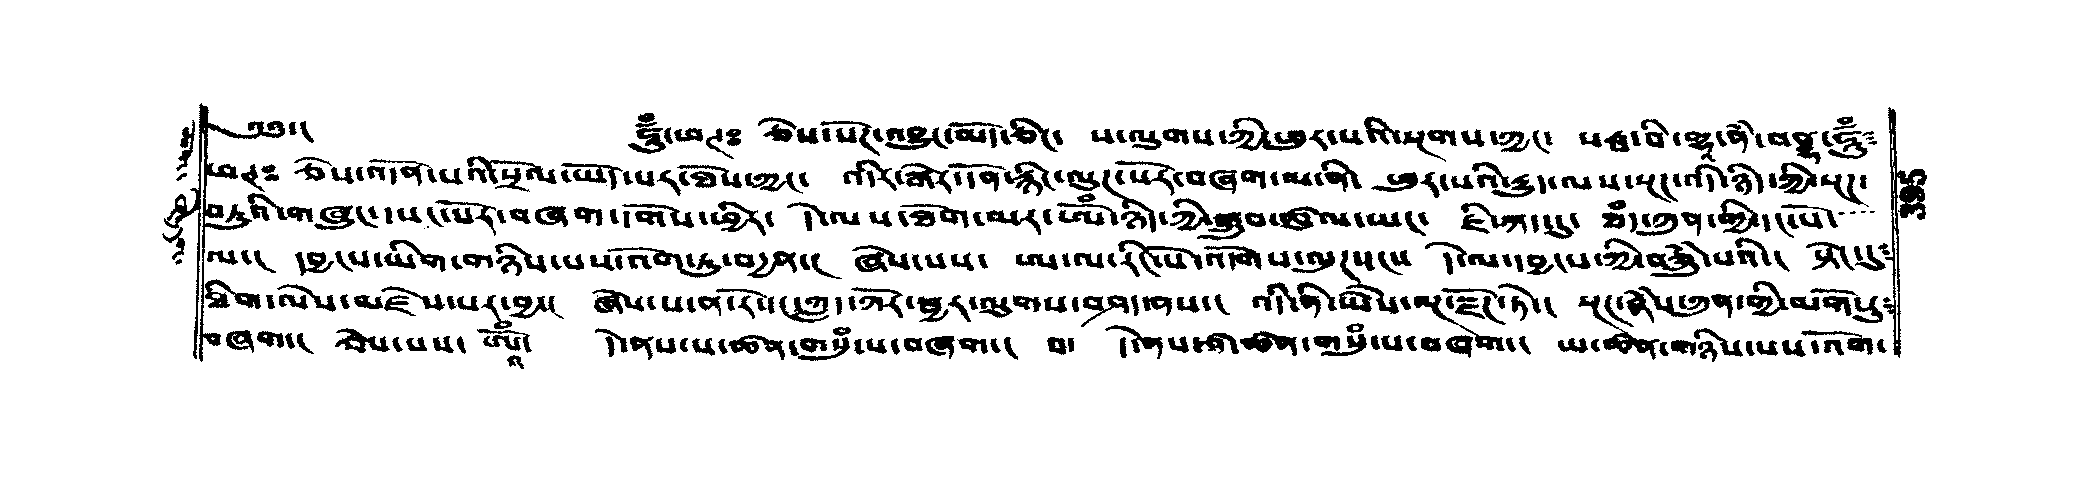ཧཱུྂ་ཕཊཿ ཅེས་སོགས་བྱུང་མོད་ཅིང་། ས་ལུགས་ཀྱི་ཕུར་པའི་སྔགས་ཀྱང་། སརྦ་བི་གྷཱ་ནཾ་བནྷ་ཧཱུྂ་
ཕཊཿ ཅེས་འདོན་པའི་སྲོལ་ཡོད་པར་ཐོས་ཀྱང་། འདིར་སྒེར་དོན་རྙིང་ལུགས་པོར་བཞག་པ་ནི། ཕུར་པའི་རྒྱུད་ལས་སྔགས་འདི་ཉིད་ཀྱི་སྔགས་
བཏུའི་གཞུང་དཔང་པོར་བཞག་དགོས་ཕྱིར། དེ་ལས་ཐོག་མར་ཨོྂ་ཉིད་ཀྱི་སྒྲུབ་ཚུལ་ཡང་། ཇི་སྐད་དུ། ཐམས་ཅད་ཀུན་གྱི་དང་པོ་་
ལ། །དབྱངས་ཡིག་གཉིས་པས་འོག་ཏུ་བརྒྱན། །ཞེས་པས།ཨ་ལ་རིང་པོ་འདོགས་ལུགས་དང་། །དེ་ལ་དབྱངས་ཀྱི་བཅུ་དྲུག་པའི། །སྟེང་དུ་
ཐིག་ལེ་མཛེས་པར་བྱ། །ཞེས་པ་ན་རོ་ཀླད་ཀོར་སྦྱར་་ལུགས་བཤད་ནས། འདི་ནི་ཡེ་ཤེས་ལྔ་རྫོགས་ཏེ། །སྔགས་རྣམས་ཀུན་གྱི་མགོ་རུ་
བཞག་།ཅེས་པས་ཨཱོཾ དེ་ནས་ས་ཚན་གསུམ་པ་བཞག་བ་།དེ་ནས་ས་ཚན་གསུམ་པ་བཞག་།ཡ་ཚན་གཉིས་པས་འོག་